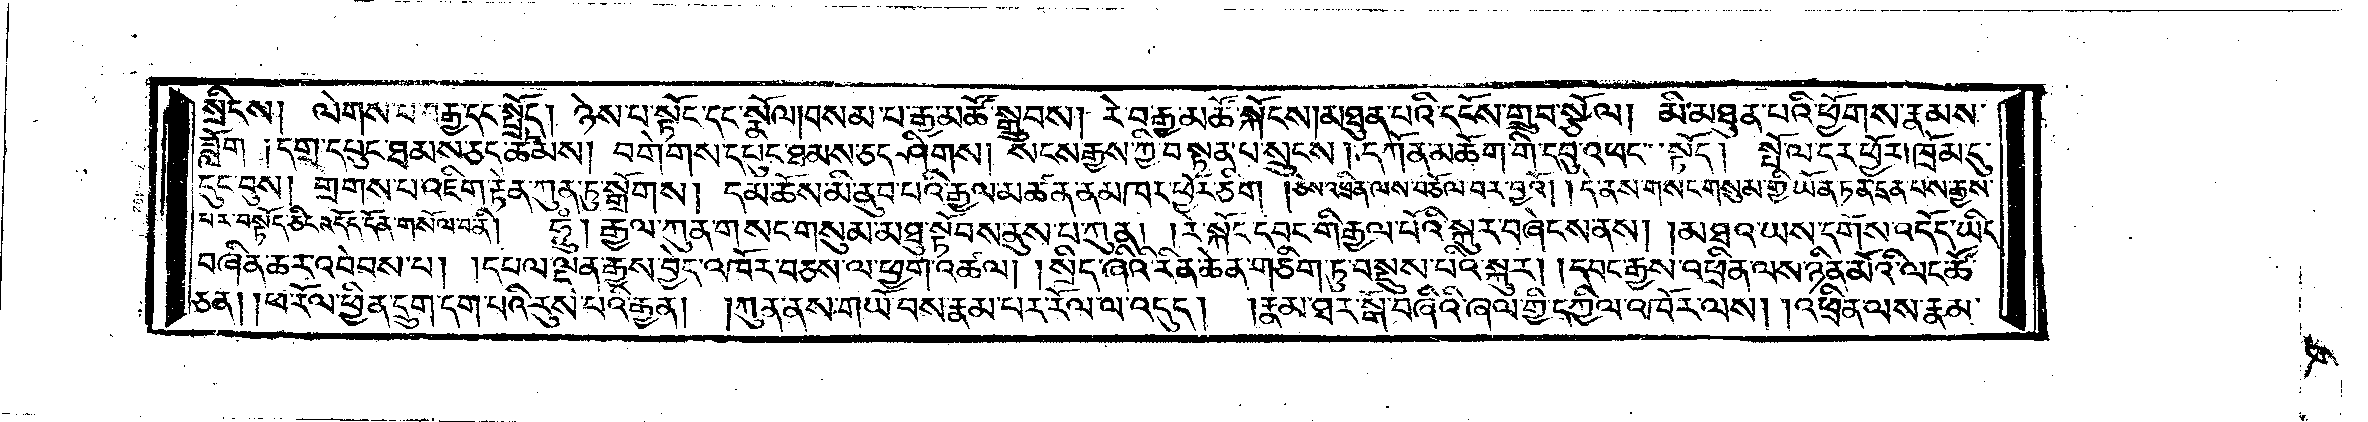སྲིངས། ལེགས་པ་བརྒྱ་དང་སྤྲོད། ཉེས་པ་སྟོང་དང་སྣོལ། བསམ་པ་རྒྱ་མཚོ་སྒྲུབས། རེ་བ་རྒྱ་མཚོ་སྐོངས། མཐུན་པའི་དངོས་གྲུབ་སྩོལ། མི་མཐུན་པའི་ཕྱོགས་རྣམས་
ཟློག །དགྲ་དཔུང་ཐམས་ཅད་ཚོམས། བགེགས་དཔུང་ཐམས་ཅད་ཤིགས། སངས་རྒྱས་ཀྱི་བསྟན་པ་སྲུངས། དཀོན་མཆོག་གི་དབུ་འཕང་སྟོད། སྤོ་ལྡར་ཕྱོར། ཁྲོམ་དུ་
དུང་བུས། གྲགས་པ་འཇིག་རྟེན་ཀུན་ཏུ་སྒྲོགས། དམ་ཆོས་མི་ནུབ་པའི་རྒྱལ་མཚན་ནམཁར་ཕྱོར་ཅིག །ཅེས་འཕྲིན་ལས་བཅོལ་བར་བྱའོ། །དེ་ནས་གསང་གསུམ་གྱི་ཡོན་ཏན་དྲན་པས་རྒྱས་
པར་བསྟོད་ཅིང་འདོད་དོན་གསོལ་བ་ནི། ཧཱུཾ། རྒྱལ་ཀུན་གསང་གསུམ་མཐུ་སྟོབས་ནུས་པ་ཀུན། །རེ་སྐོང་དབང་གི་རྒྱལ་པོའི་སྐུར་བཞེངས་ནས། །མཐའ་ཡས་དགོས་འདོད་ཡིད་
བཞིན་ཆར་འབེབས་པ། །དཔལ་ལྡན་རྒྱས་བྱེད་འཁོར་བཅས་ལ་ཕྱག་འཚལ། །སྲིད་ཞིའི་རིན་ཆེན་གཅིག་ཏུ་བསྡུས་པའི་སྐུར། །དབང་རྒྱས་འཕྲིན་ལས་ཉིན་མོའི་ལང་ཚོ་
ཅན༑ ༑ཕ་རོལ་ཕྱིན་དྲུག་དག་པའི་རུས་པའི་རྒྱན། །ཀུན་ནས་གཡོ་བས་རྣམ་པར་རོལ་ལ་འདུད། །རྣམ་ཐར་སྒོ་བཞིའི་ཞལ་གྱི་དཀྱིལ་འཁོར་ལས། །འཕྲིན་ལས་རྣམ་